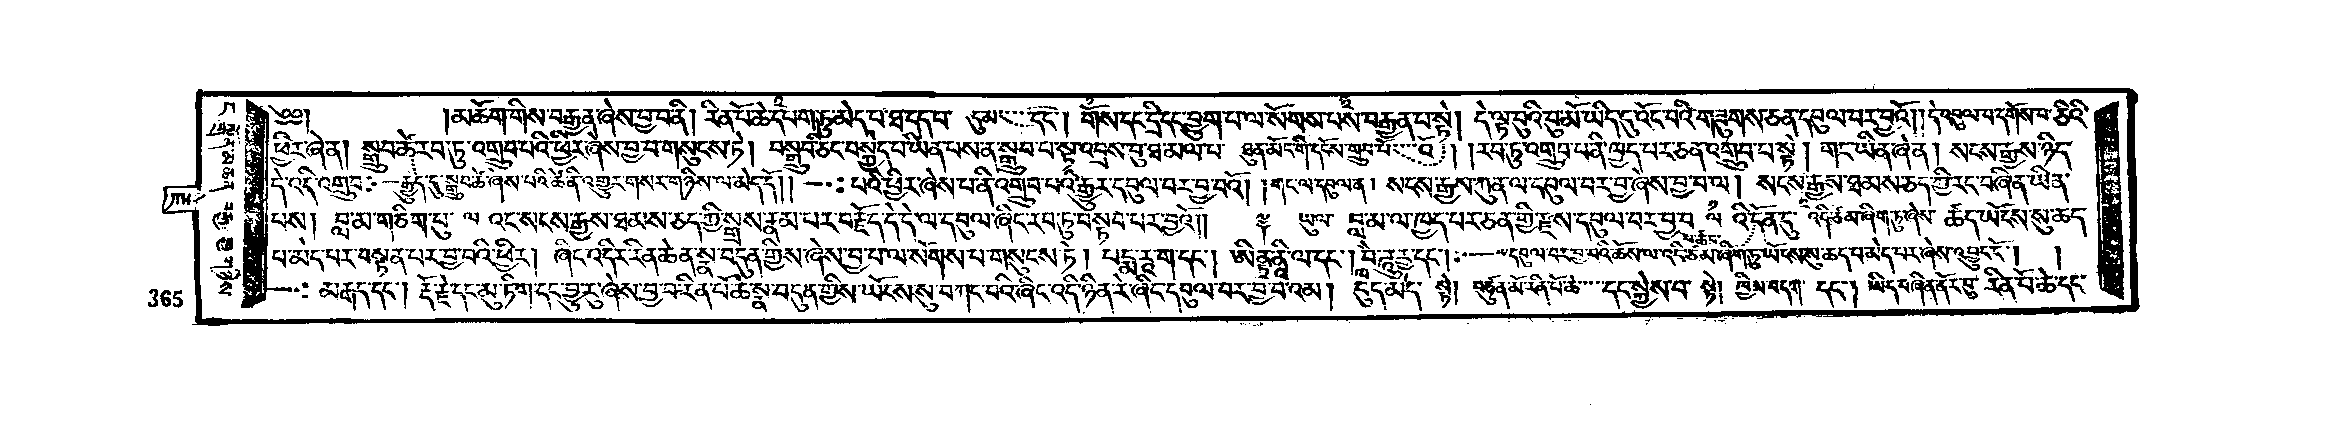༄༅། །མཆོག་གིས་བརྒྱན་ཞེས་བྱ་བ་ནི། རིན་པོ་ཆེ ༢་དཔག་ཏུ་མེད་པ་ཐ་དད་པ་དུ་མ་དང་། ༡་གོས་དང་དྲི་དང་བྱུག་པ་ལ་སོགས ༢་པས་བརྒྱན་པ་སྟེ། དེ་ལྟ་བུའི་བུ་མོ་ཡིད་དུ་འོང་བའི་གཟུགས་ཅན་དབུལ་བར་བྱའོ། ། དེ་འབུལ་བ་དགོས་པ་ཅིའི་
ཕྱིར་ཞེ་ན། སྒྲུབ་ཚེ་རབ་ཏུ་འགྲུབ་པའི་ཕྱིར་ཞེས་བྱ་བ་གསུངས་ཏེ། བསྒྲུབ་ཅིང་བསྐྱེད་པ་ཡིན་པས་ན་སྒྲུབ་པ་སྟེ་འབྲས་བུ་ཐ་མལ་པ་ཐུན་མོང་གི་དངོས་གྲུབ་པའོ། །རབ་ཏུ་འགྲུབ་པ་ནི་ཁྱད་པར་ཅན་འགྲུབ་པ་སྟེ། གང་ཡིན་ཞེ་ན། སངས་རྒྱས་ཉིད་
དེ་འདི་འགྲུབཿ་རྒྱུད་དུ་སྒྲུབ་ཚེ་ཞེས་པའི་ཚེ་ནི་འགྱུར་གསར་གཉིས་ལ་མེད་དོ།།  .Hཔའི་ཕྱིར་ཞེས་པ་ནི་འགྲུབ་པའི་རྒྱུར་དབུལ་བར་བྱ་བའོ། ། གང་ལ་དབུལ་ན།  སངས་རྒྱས་ཀུན་ལ་དབུལ་བར་བྱ་ཞེས་བྱ་བ་ལ། སངས་རྒྱས་ཐམས་ཅད་ཀྱི་རང་བཞིན་ཡིན་པས། བླ་མ་གཅིག་པུ་ལའང་སངས་རྒྱས་ཐམས་ཅད་ཀྱི་སྒྲས་རྣམ་པར་བརྗོད་དེ་དེ་ལ་དབུལ་ཞིང་རབ་ཏུ་བསྟབ་པར་བྱའོ།། ༈ ཡུལ་བླ་མ་ལ་ཁྱད་པར་ཅན་གྱི་རྫས་དབུལ་བར་བྱ་བ ༡་ལའི་དོན་དུ ༢་འདི་ཙམ་ཞིག་ཏུ་ཞེས་ཚད་ཡོངས་སུ་ཆད་
པ་མེད་པར་བསྟན་པར་བྱ་བའི་ཕྱིར། ཞིང་འདིར་རིན་ཆེན་སྣ་བདུན་གྱིས་ཞེས་བྱ་བ་ལ་སོགས་པ་གསུངས་ཏེ། པདམ་རཱ་ག་དང་། ཨིནྟྲ་ནཱི་ལ་དང་། བཻ་ཌཱུརྱ་དང་།H.་༧དབུལ་བར་བྱ་བའི་ཆོས་ལ་འདི་པ་ཚབ་ཙམ་ཞིག་ཏུ་ཡོངས་སུ་ཆད་པ་མེད་པར་ཞེས་འབྱུང་ངོ། །
.H མྲྒད་དང་། རྡོ་རྗེ་དང་མུ་ཏིག་དང་བྱུ་རུ་ཞེས་བྱ་བ་རིན་པོ་ཆེ་སྣ་བདུན་གྱིས་ཡོངས་སུ་བཀང་བའི་ཞིང་འདི་ཉིན་རེ་ཞིང་དབུལ་བར་བྱ་བའམ། ཁ་བུད་མེད་སྟེ། བཙུན་མོ་རིན་པོ་ཆེ་དང་སྐྱེས་པ་སྟེ། ཁྱིམ་བདག་དང་། ཡིད་བཞིན་ནོར་བུ་རིན་པོ་ཆེ་དང་